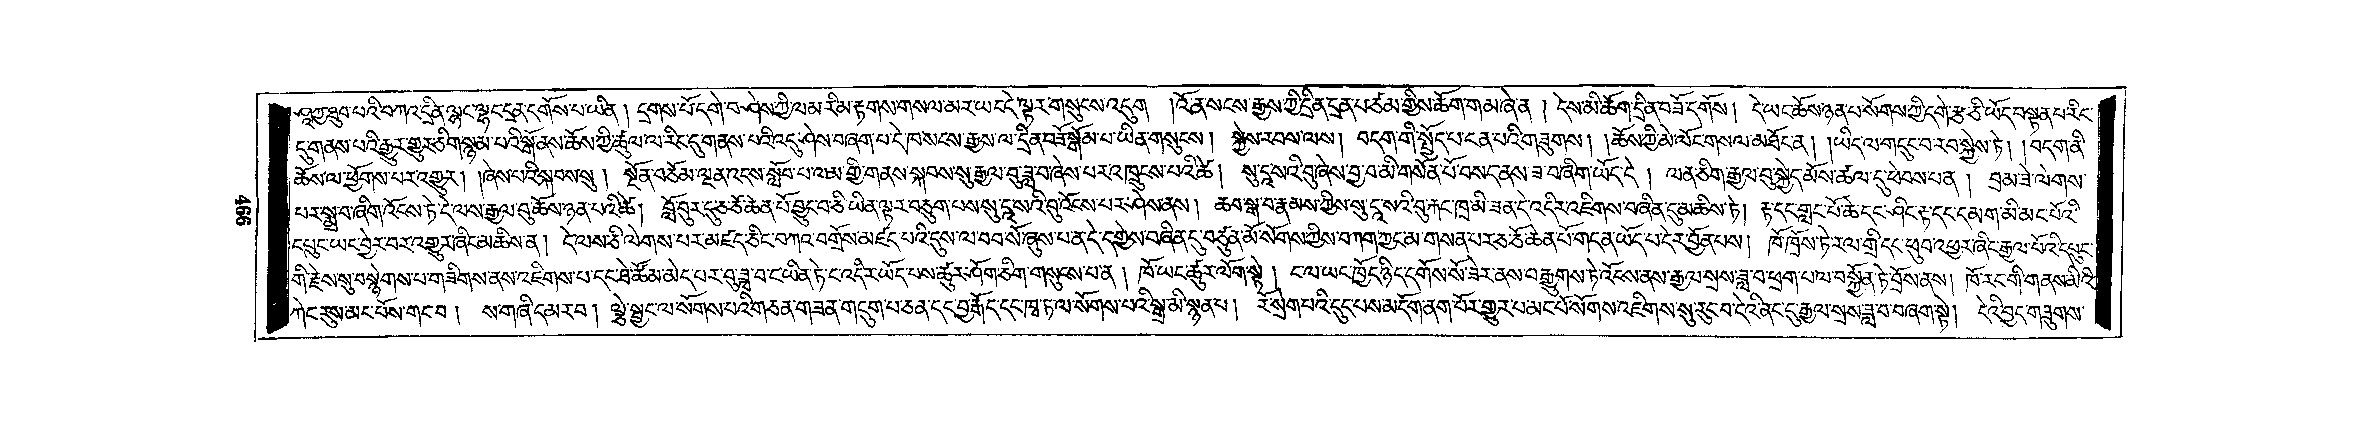ཤཱཀྱ་ཐུབ་པའི་བཀའ་དྲིན་ལྷང་ལྷང་དྲན་དགོས་པ་ཡིན། དྲགས་པོ་དགེ་བཤེས་ཀྱི་ལམ་རིམ་རྟགས་གསལ་མར་ཡང་དེ་ལྟར་གསུངས་འདུག །འོ་ན་སངས་རྒྱས་ཀྱི་དྲིན་དྲན་པ་ཙམ་གྱིས་ཆོག་གམ་ཞེ་ན། དེས་མི་ཆོག་དྲིན་བཟོ་དགོས། དེ་ཡང་ཆོས་ཉན་པ་སོགས་ཀྱི་དགེ་རྩ་ཅི་ཡོད་བསྟན་པ་རིང་
དུ་གནས་པའི་རྒྱུར་གྱུར་ཅིག་སྙམ་པའི་སྒོ་ནས་ཆོས་ཀྱི་ཚུལ་ལ་རིང་དུ་གནས་པའི་འདུ་ཤེས་བཞག་པ་དེ་ཁ་སངས་རྒྱས་ལ་དྲིན་བཟོ་སྒོམ་པ་ཡིན་གསུངས། སྐྱེས་རབས་ལས། བདག་གི་སྤྱོད་པ་ངན་པའི་གཟུགས། །ཆོས་ཀྱི་མེ་ལོང་གསལ་མཐོང་ན། །ཡིད་ལ་གདུང་བ་རབ་སྐྱེས་ཏེ། །བདག་ནི་
ཆོས་ལ་ཕྱོགས་པར་འགྱུར། །ཞེས་པའི་སྐབས་སུ། སྔོན་བཅོམ་ལྡན་འདས་སློབ་པ་ལམ་གྱི་གནས་སྐབས་སུ་རྒྱལ་བུ་ཟླ་བ་ཞེས་པར་འཁྲུངས་པའི་ཚེ། སུ་དཱ་སའི་བུ་ཞེས་བྱ་བ་མི་གསོན་པོ་བསད་ནས་ཟ་བ་ཞིག་ཡོད་དེ། ལན་ཅིག་རྒྱལ་བུ་སྐྱེད་མོས་ཚལ་དུ་ཕེབས་པ་ན། བྲམ་ཟེ་ལེགས་
པར་སྨྲ་བ་ཞིག་འོངས་ཏེ་དེ་ལས་རྒྱལ་བུ་ཆོས་ཉན་པའི་ཚེ། བློ་བུར་དུ་ཅ་ཅོ་ཆེན་པོ་བྱུང་བ་ཅི་ཡིན་ལྟར་བཅུག་པས་སུ་དཱ་སའི་བུ་འོངས་པར་ཤེས་ནས། ཆབ་སྒ་བ་རྣམས་ཀྱིས་སུ་དཱ་སའི་བུ་རྐང་ཁྲ་མི་ཟན་དེ་འདིར་འཇིགས་བཞིན་དུ་མཆིས་ཏེ། རྟ་དང་གླང་པོ་ཆེ་དང་ཤིང་རྟ་དང་དམག་མི་མང་པོའི་
དཔུང་ཡང་བྱེར་བར་འགྱུར་ཞིང་མཆིས་ན། དེ་ལས་ཅི་ལེགས་པར་མཛད་ཅིང་བཀའ་བགྲོས་མཛད་པའི་དུས་ལ་བབ་སོ་ཞུས་པ་ན་དེ་དགྱེས་བཞིན་དུ་བཙུན་མོ་སོགས་ཀྱིས་བཀག་ཀྱང་མ་གསན་པར་ཅ་ཅོ་ཆེན་པོ་གདན་ཡོད་པ་དེར་བྱོན་པས། ཁོ་ཁྲོས་ཏེ་རལ་གྲི་དང་ཕུབ་འཕྱར་ཞིང་རྒྱལ་པོའི་དཔུང་
གི་རྗེས་སུ་བསྙེགས་པ་གཟིགས་ནས་འཇིགས་པ་དང་ཐེ་ཚོམ་མེད་པར་བུ་ཟླ་བ་ང་ཡིན་ཏེ་ང་འདིར་ཡོད་པས་ཚུར་ཤོག་ཅིག་གསུངས་པ་ན། ཁོ་ཡང་ཚུར་ལོག་སྟེ། ང་ལ་ཡང་ཁྱོད་ཉིད་དགོས་སོ་ཟེར་ནས་བརྒྱུགས་ཏེ་འོངས་ནས་རྒྱལ་སྲས་ཟླ་བ་ཕྲག་པ་ལ་བསྐྱོན་ཏེ་བྲོས་ནས། ཁོ་རང་གི་གནས་མིའི་
ཀེང་རུས་མང་པོས་གང་བ། ས་གཞི་དམར་བ། ལྕེ་སྦྱང་ལ་སོགས་པའི་གཅན་གཟན་གདུག་པ་ཅན་དང་བྱ་རྒོད་དང་ཁྭ་ཏ་ལ་སོགས་པའི་སྒྲ་མི་སྙན་པ། རོ་སྲེག་པའི་དུད་པས་མདོག་ནག་པོར་གྱུར་པ་མང་པོ་སོགས་འཇིགས་སུ་རུང་བ་དེའི་ནང་དུ་རྒྱལ་སྲས་ཟླ་བ་བཞག་སྟེ། དེའི་བྱད་གཟུགས་